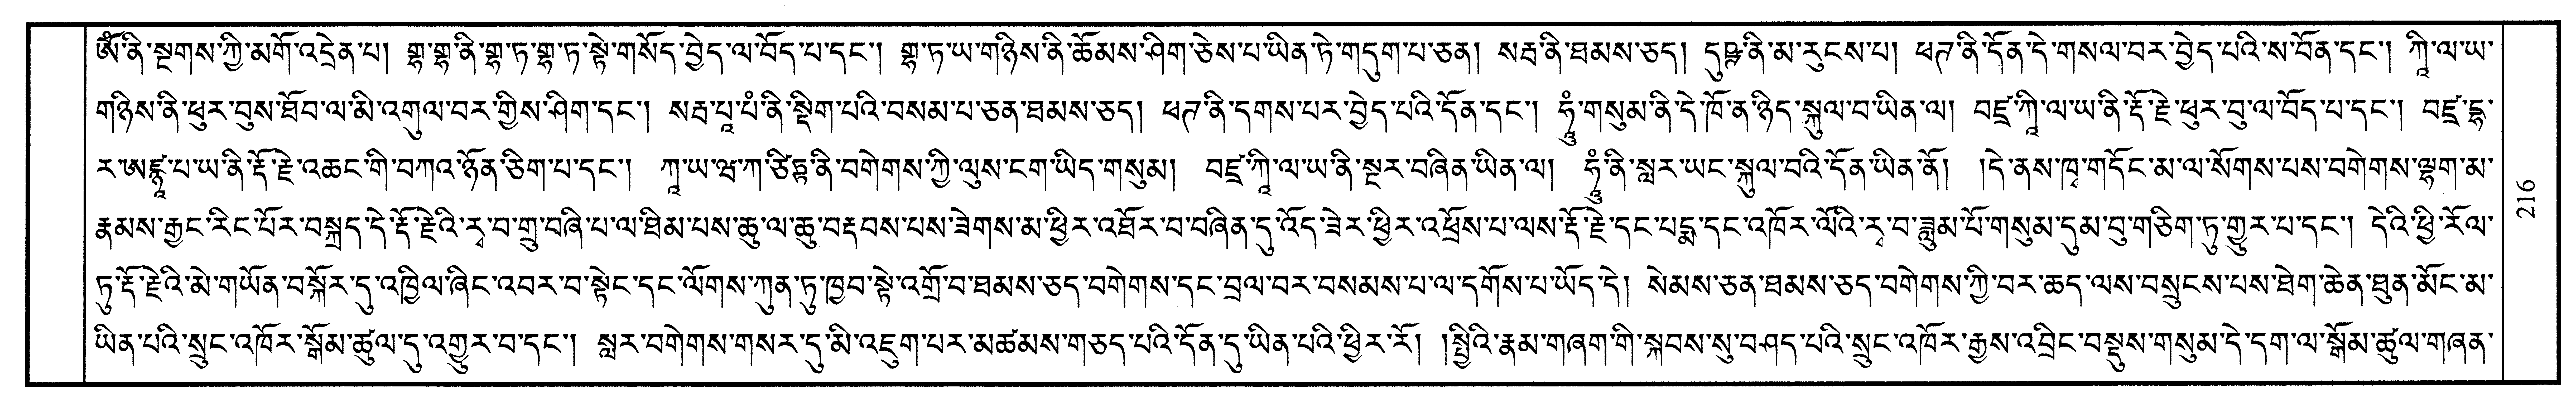ཨོཾ་ནི་སྔགས་ཀྱི་མགོ་འདྲེན་པ། གྷ་གྷ་ནི་གྷ་ཏ་གྷ་ཏ་སྟེ་གསོད་བྱེད་ལ་བོད་པ་དང་། གྷ་ཏ་ཡ་གཉིས་ནི་ཆོམས་ཤིག་ཅེས་པ་ཡིན་ཏེ་གདུག་པ་ཅན། སརྦ་ནི་ཐམས་ཅད། དུཥྚ་ནི་མ་རུངས་པ། ཕཊ་ནི་དོན་དེ་གསལ་བར་བྱེད་པའི་ས་བོན་དང་། ཀཱི་ལ་ཡ་
གཉིས་ནི་ཕུར་བུས་ཐོབ་ལ་མི་འགུལ་བར་གྱིས་ཤིག་དང་། སརྦ་པཱ་པཾ་ནི་སྡིག་པའི་བསམ་པ་ཅན་ཐམས་ཅད། ཕཊ་ནི་དགས་པར་བྱེད་པའི་དོན་དང་། ཧཱུཾ་གསུམ་ནི་དེ་ཁོ་ན་ཉིད་སྐུལ་བ་ཡིན་ལ། བཛྲ་ཀཱི་ལ་ཡ་ནི་རྡོ་རྗེ་ཕུར་བུ་ལ་བོད་པ་དང་། བཛྲ་དྷ་
ར་ཨཛྙཱ་པ་ཡ་ནི་རྡོ་རྗེ་འཆང་གི་བཀའ་ཉོན་ཅིག་པ་དང་། ཀཱ་ཡ་ཝ་ཀ་ཙིཏྟ་ནི་བགེགས་ཀྱི་ལུས་ངག་ཡིད་གསུམ། བཛྲ་ཀཱི་ལ་ཡ་ནི་སྔར་བཞིན་ཡིན་ལ། ཧཱུཾ་ནི་སླར་ཡང་སྐུལ་བའི་དོན་ཡིན་ནོ། །དེ་ནས་ཁྭ་གདོང་མ་ལ་སོགས་པས་བགེགས་ལྷག་མ་
རྣམས་རྒྱང་རིང་པོར་བསྐྲད་དེ་རྡོ་རྗེའི་རྭ་བ་གྲུ་བཞི་པ་ལ་ཐིམ་པས་ཆུ་ལ་ཆུ་བརྡབས་པས་ཟེགས་མ་ཕྱིར་འཐོར་བ་བཞིན་དུ་འོད་ཟེར་ཕྱིར་འཕྲོས་པ་ལས་རྡོ་རྗེ་དང་པདམ་དང་འཁོར་ལོའི་རྭ་བ་ཟླུམ་པོ་གསུམ་དུམ་བུ་གཅིག་ཏུ་གྱུར་པ་དང་། དེའི་ཕྱི་རོལ་
ཏུ་རྡོ་རྗེའི་མེ་གཡོན་བསྐོར་དུ་འཁྱིལ་ཞིང་འབར་བ་སྟེང་དང་ལོགས་ཀུན་ཏུ་ཁྱབ་སྟེ་འགྲོ་བ་ཐམས་ཅད་བགེགས་དང་བྲལ་བར་བསམས་པ་ལ་དགོས་པ་ཡོད་དེ། སེམས་ཅན་ཐམས་ཅད་བགེགས་ཀྱི་བར་ཆད་ལས་བསྲུངས་པས་ཐེག་ཆེན་ཐུན་མོང་མ་
ཡིན་པའི་སྲུང་འཁོར་སྒོམ་ཚུལ་དུ་འགྱུར་བ་དང་། སླར་བགེགས་གསར་དུ་མི་འཇུག་པར་མཚམས་གཅད་པའི་དོན་དུ་ཡིན་པའི་ཕྱིར་རོ། །སྤྱིའི་རྣམ་གཞག་གི་སྐབས་སུ་བཤད་པའི་སྲུང་འཁོར་རྒྱས་འབྲིང་བསྡུས་གསུམ་དེ་དག་ལ་སྒོམ་ཚུལ་གཞན་